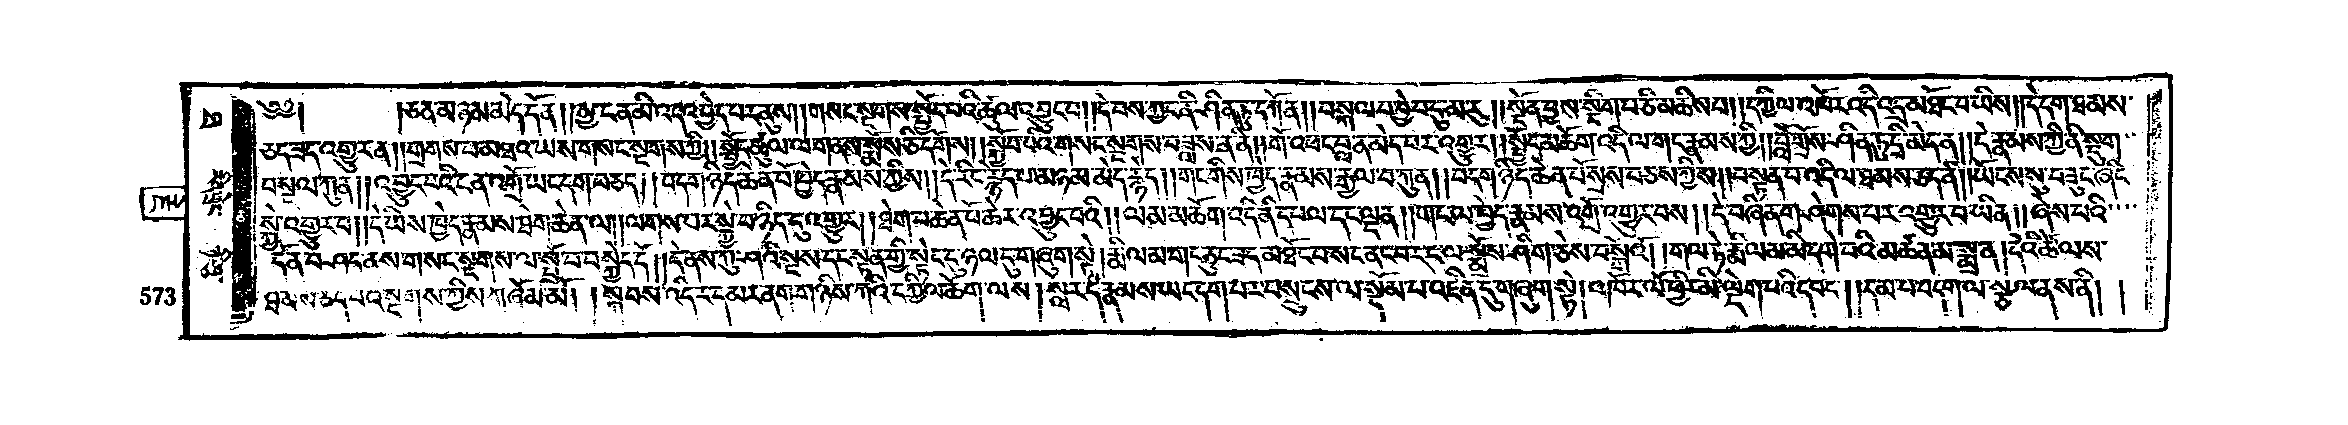༄༅། །ཅན་མཉམ་མེད་དོན། །མྱ་ངན་མི་འདའ་བྱེད་པར་ནུས། །གསང་སྔགས་སྤྱོད་པའི་ཚུལ་འབྱུང་བ། །དེ་བས་ཀྱང་ནི་ཤིན་ཏུ་དཀོན། །བསྐལ་པ་བྱེ་བ་དུ་མ་རུ། །སྔོན་བྱས་སྡིག་པ་ཅི་མཆིས་པ། །དཀྱིལ་འཁོར་འདི་འདྲ་མཐོང་བ་ཡིས། །དེ་དག་ཐམས་
ཅད་ཟད་འགྱུར་ན། །གྲགས་པ་མཐའ་ཡས་གསང་སྔགས་ཀྱི། །སྤྱོད་ཚུལ་ལ་གནས་སྨོས་ཅི་དགོས། །སྐྱོབ་པའི་གསང་སྔགས་བཟླས་ན་ནི། །གོ་འཕང་བླ་ན་མེད་པར་འགྱུར། །སྤྱོད་མཆོག་འདི་ལ་གང་རྣམས་ཀྱི། །བློ་གྲོས་ཤིན་ཏུ་དྲི་མེད་ན། །དེ་རྣམས་ཀྱི་ནི་སྡུག་
བསྔལ་ཀུན། །འབྱུང་བའི་ངན་འགྲོ་ཡང་དག་བཅད། །བདག་ཉིད་ཆེན་པོ་ཁྱེད་རྣམས་ཀྱིས། །དེ་རིང་རྙེད་པ་མཉམ་མེད་རྙེད། །གང་གིས་ཁྱེད་རྣམས་རྒྱལ་བ་ཀུན། །བདག་ཉིད་ཆེན་པོ་སྲས་བཅས་ཀྱིས། །བསྟན་པ་འདི་ལ་ཐམས་ཅད་ནི། ཡོངས?་སུ་བཟུང་ཞིང་
སྐྱེ་འགྱུར་བ། །དེ་ཡིས་ཁྱེད་རྣམས་ཐེག་ཆེན་ལ། །ལེགས་པར་སྐྱེ་བ་ཉིད་དུ་འགྱུར། །ཐེག་པ་ཆེན་པོ་ཆེར་འབྱུང་བའི། །ལམ་མཆོག་འདི་ནི་དཔལ་དང་ལྡན། །གང་ལ་ཁྱེད་རྣམས་འགྲོ་འགྱུར་བས། །དེ་བཞིན་གཤེགས་པར་འགྱུར་བ་ཡིན། །ཞེས་པའི་
དོན་བཤད་ནས་གསང་སྔགས་ལ་སྤྲོ་བ་བསྐྱེད་དོ། །དེ་ནས་ཀུ་ཤའི་སྔས་དང་སྟན་གྱི་སྟེང་དུ་ཉལ་དུ་གཞུག་སྟེ། རྨི་ལམ་གང་ཅུང་ཟད་མཐོང་བ་སང་ནང་བར་ང་ལ་སྨྲོས་ཤིག་ཅེས་བསྒོའོ། །གལ་ཏེ་རྨི་ལམ་མི་དགེ་བའི་མཚན་མ་སྨན། དེའི་ཚེ་ལས་
ཐམས་ཅད་པའི་སྔགས་ཀྱིས་གཞོམ་མོ། །སྐབས་འདིར་དམར་ནག་གཉིས་ཀའི་དཀྱིལ་ཆོག་ལས། སླར་དེ་རྣམས་ཡང་དག་པར་བསྲུངས་ལ་སྡོམ་པ་འཛིན་དུ་གཞུག་སྟེ། འཁོར་ལོ་ཕྱིར་མི་ལྡོག་པའི་དབང་། །དམ་པ་བདག་ལ་སྩལ་ནས་ནི། །